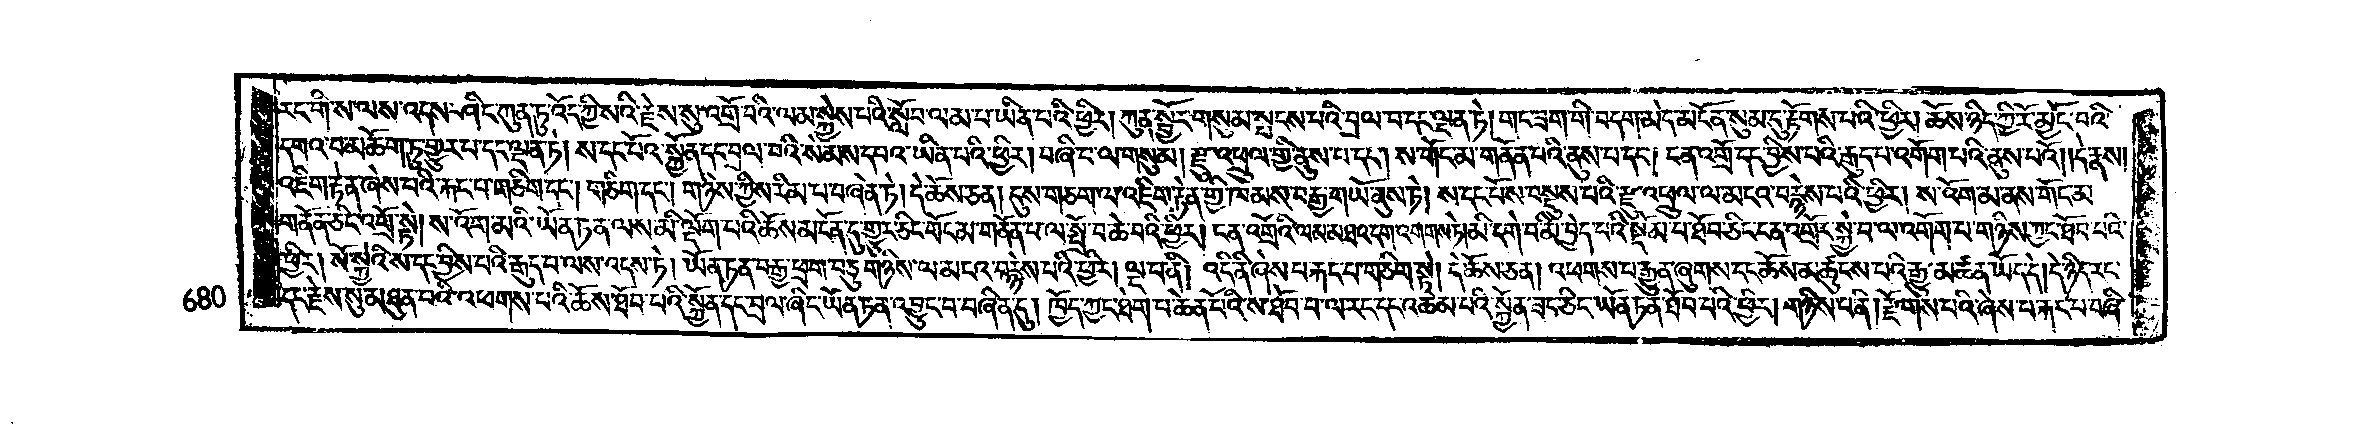རང་གི་ས་ལས་འདས་ཤིང་ཀུན་ཏུ་འོད་ཀྱི་སའི་རྗེས་སུ་འགྲོ་བའི་ལམ་སྐྱེས་པའི་སློབ་ལམ་པ་ཡིན་པའི་ཕྱིར། ཀུན་སྦྱོར་གསུམ་སྤངས་པའི་བྲལ་བ་དང་ལྡན་ཏེ། གང་ཟག་གི་བདག་མེད་མངོན་སུམ་དུ་རྟོགས་པའི་ཕྱིར། ཆོས་ཉིད་ཀྱི་རོ་མྱོང་བའི་
དགའ་བ་མཆོག་ཏུ་གྱུར་པ་དང་ལྡན་ཏེ། ས་དང་པོའི་སྐྱོན་དང་བྲལ་བའི་སེམས་དཔའ་ཡིན་པའི་ཕྱིར། བཞི་པ་ལ་གསུམ། རྫུ་འཕྲུལ་གྱི་ནུས་པ་དང་། ས་གོང་མ་གནོན་པའི་ནུས་པ་དང་། ངན་འགྲོ་དང་བྱིས་པའི་རྒུད་པ་འགོག་པའི་ནུས་པའོ། །དེ་རྣམས།
འཇིག་རྟེན་ཞེས་པའི་རྐང་པ་གཅིག་དང་། གཅིག་དང་། གཉིས་ཀྱིས་རིམ་པ་བཞེན་ཏེ། དེ་ཆོས་ཅན། དུས་གཅིག་ལ་འཇིག་རྟེན་གྱི་ཁམས་བརྒྱ་གཡོ་ནུས་ཏེ། ས་དང་པོས་བསྡུས་པའི་རྫུ་འཕྲུལ་ལ་མངའ་བརྙེས་པའི་ཕྱིར། ས་འོག་མ་ནས་གོང་མ་
གནོན་ཅིང་འགྲོ་སྟེ། ས་འོག་མའི་ཡོན་ཏན་ལས་མི་ལྡོག་པའི་ཆོས་མངོན་དུ་གྱུར་ཅིང་གོང་མ་གནོན་པ་ལ་སྤྲོ་བ་ཆེ་བའི་ཕྱིར། ངན་འགྲོའི་ལམ་མཐའ་དག་འགགས་ཏེ། མི་དགེ་བ་མི་བྱེད་པའི་སྡོམ་པ་ཐོབ་ཅིང་ངན་འགྲོར་སྐྱེ་བ་ལ་འགོག་པ་གཉིས་ཀྱང་ཐོབ་པའི་
ཕྱིར། སོ་སྐྱེའི་ས་དང་བྱིས་པའི་རྒུད་པ་ལས་འདས་ཏེ། ཡོན་ཏན་བརྒྱ་ཕྲག་བཅུ་གཉིས་ལ་མངའ་བརྙེས་པའི་ཕྱིར། ལྔ་པ་ནི། འདི་ནི་ཞེས་པ་རྐང་པ་གཅིག་སྟེ། དེ་ཆོས་ཅན། འཕགས་པ་རྒྱུན་ཞུགས་དང་ཆོས་མཚུངས་པའི་རྒྱུ་མཚན་ཡོད་དེ། དེ་ཉིད་རང་
དང་རྗེས་སུ་མཐུན་པའི་འཕགས་པའི་ཆོས་ཐོབ་པའི་སྐྱོན་དང་བྲལ་ཞིང་ཡོན་ཏན་འབྱུང་བ་བཞིན་དུ། ཁྱོད་ཀྱང་ཐེག་པ་ཆེན་པོའི་ས་ཐོབ་པ་ལ་རང་དང་འཚམ་པའི་སྐྱོན་ཟད་ཅིང་ཡོན་ཏན་ཐོབ་པའི་ཕྱིར། གཉིས་པ་ནི། རྫོགས་པའི་ཞེས་པ་རྐང་པ་བཞི་